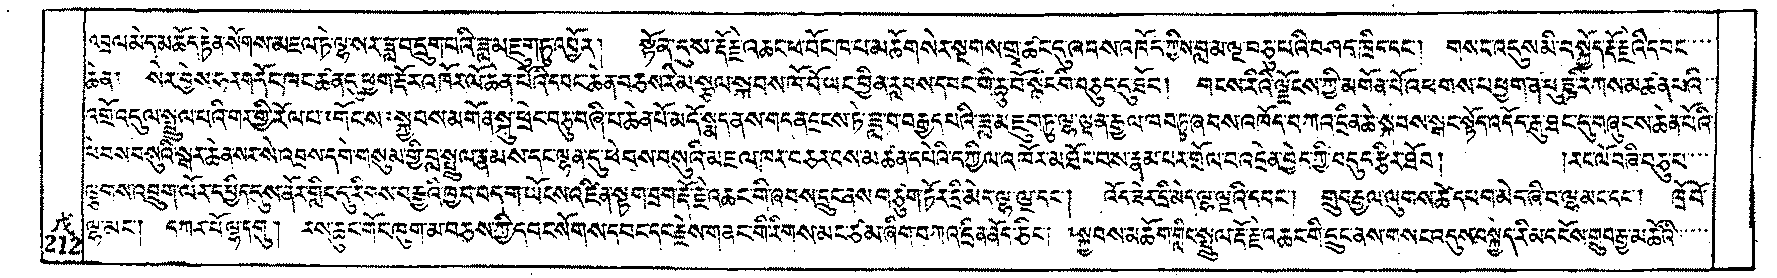འབྲལ་མེད་མཆོད་རྟེན་སོགས་མཇལ་ཏེ་ལྷ་སར་ཟླ་བ་དྲུག་པའི་ཟླ་མཇུག་ཏུ་འབྱོར། སྟོན་དུས་རྡོ་རྗེ་འཆང་ཕ་བོང་ཁ་པ་མཆོག་སེར་སྔགས་གྲྭ་ཚང་དུ་ཞབས་འཁོད་ཀྱིས་བླ་མ་ལྔ་བཅུ་པའི་བཤད་ཁྲིད་དང་། གསང་འདུས་མི་བསྐྱོད་རྡོ་རྗེའི་དབང་
ཆེན། སེར་བྱེས་ཧར་གདོང་ཁང་ཚན་དུ་ཕྱག་རྡོར་འཁོར་ལོ་ཆེན་པོའི་དབང་ཆེན་བཅས་རིམ་སྩལ་སྐབས་ཁོ་བོ་ཡང་བྱིན་རླབས་དབང་གི་ཆུ་བོ་སྙིང་གི་བཅུད་དུ་ཐོབ། གངས་རིའི་ལྗོངས་ཀྱི་མགོན་པོ་འཕགས་པ་ཕྱག་ན་པུཎྜ་རི་ཀས་མཚན་པའི་
འགྲོ་འདུལ་སྤྲུལ་པའི་གར་གྱི་རོལ་པ་༧གོང་ས་༧སྐྱབས་མགོན་སྐུ་ཕྲེང་བཅུ་བཞི་པ་ཆེན་པོ་མདོ་སྨད་ནས་གདན་དྲངས་ཏེ་ཟླ་བ་བརྒྱད་པའི་ཟླ་མཇུག་ཏུ་ལྷ་ལྡན་རྒྱལ་ཁབ་ཏུ་ཞབས་འཁོད་བཀའ་དྲིན་ཆེ་སྐབས་སྒང་སྟོད་འདོད་རྒུ་ཐང་དུ་གཞུང་ས་ཆེན་པོའི་
ཕེབས་བསུའི་སྒར་ཆེན་སར་སེ་འབྲས་དགེ་གསུམ་གྱི་བླ་སྤྲུལ་རྣམས་དང་ལྷན་དུ་ཕེབས་བསུའི་མཇལ་ཁར་བཅར་བས་མཚན་དཔེའི་དཀྱིལ་འཁོར་མཐོང་བས་རྣམ་པར་གྲོལ་བ་འདྲེན་བྱེད་ཀྱི་བདུད་རྩིར་ཐོབ། །རང་ལོ་བཞི་བཅུ་པ་
ལྕགས་འབྲུག་ལོར་དཔྱིད་དུས་ནོར་གླིང་དུ་རིགས་བརྒྱའི་ཁྱབ་བདག་ཡོངས་འཛིན་སྟག་བྲག་རྡོ་རྗེ་འཆང་གི་ཞབས་དྲུང་ནས་གཙུག་ཏོར་དྲི་མེད་ལྷ་ལྔ་དང་། འོད་ཟེར་དྲི་མེད་ལྷ་ལྔའི་དབང་། གྲུབ་རྒྱལ་ལུགས་ཚེ་དཔག་མེད་ཞི་བ་ལྷ་མང་དང་། ཁྲོ་བོ་
ལྷ་མང་། དཀར་པོ་ལྷ་དགུ། རས་ཆུང་གོང་ཁུག་མ་བཅས་ཀྱི་དབང་སོགས་དབང་དང་རྗེས་གནང་གི་རིགས་མང་ཙམ་ཞིག་བཀའ་དྲིན་ནོད་ཅིང་། ༧སྐྱབས་མཆོག་གླིང་སྤྲུལ་རྡོ་རྗེ་འཆང་གི་དྲུང་ནས་གསང་འདུས་བསྐྱེད་རིམ་དངོས་གྲུབ་རྒྱ་མཚོའ་